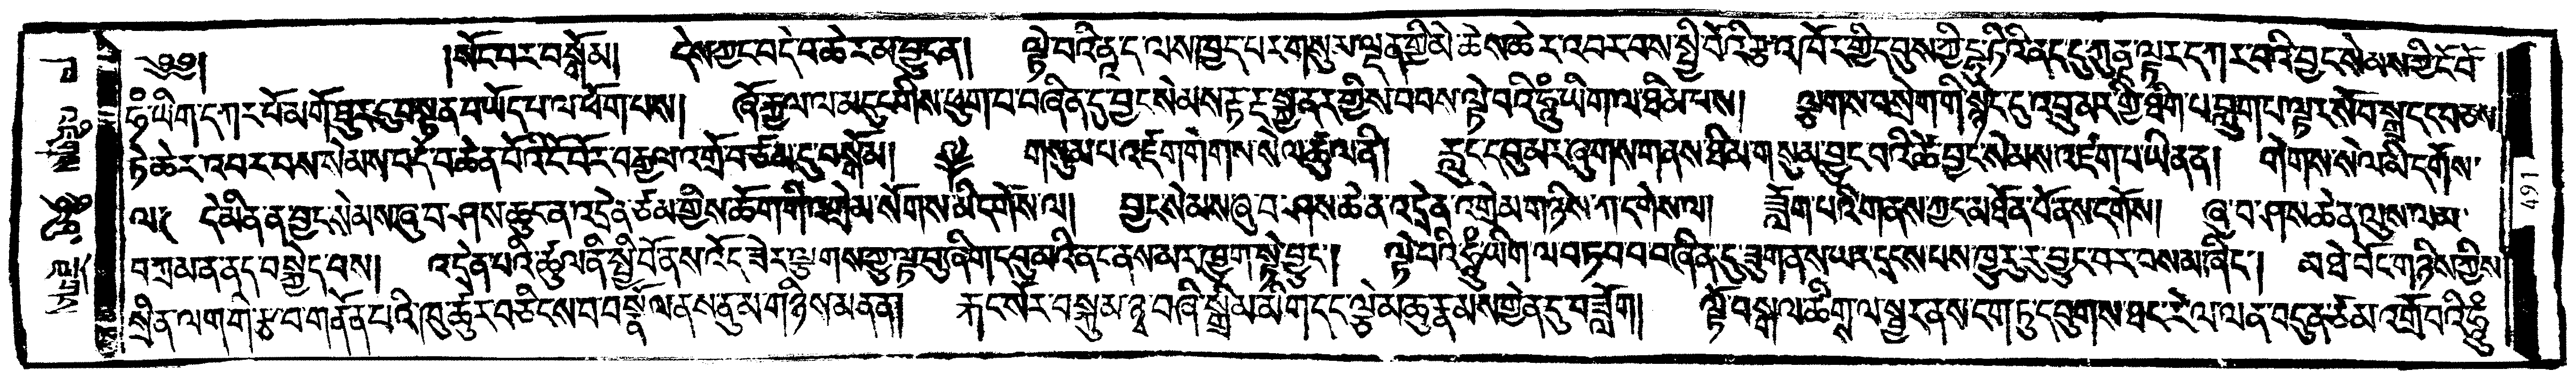༄༅། །སོང་བར་བསྒོམ། དེས་ཀྱང་བདེ་བ་ཆེར་མ་བྱུང་ན། ལྟེ་བའི་ནཱ་ད་ལས་ཁྱད་པར་གསུམ་ལྡན་གྱི་མེ་ཆེས་ཆེར་འབར་བས་སྤྱི་བོའི་རྩ་འཁོར་གྱི་དབུས་ཀྱི་དྷུ་ཏིའི་ནང་དུ་ཀུནྡ་ལྟར་དཀར་བའི་བྱང་སེམས་ཀྱི་ངོ་བོ་
ཧཾ་ཡིག་དཀར་པོ་མགོ་ཐུར་དུ་བསྟན་པ་ཡོད་པ་ལ་ཕོག་པས། ཞོ་རྐྱལ་ལ་མདུད་གིས་ཕུག་པ་བཞིན་དུ་བྱང་སེམས་རྟ་རྔ་སྐྱ་ནར་གྱིས་བབས་ལྟེ་བའི་ཧཱུཾ་ཡིག་ལ་ཐིམ་པས། ལྕགས་བསྲེག་གི་སྙིང་དུ་འབྲུ་མར་གྱི་ཐིག་པ་བླུག་པ་ལྟར་སོ་བསྒྲ་དང་བཅས་
ཏེ་ཆེར་འབར་བས་སེམས་བདེ་བ་ཆེན་པོའི་ངོ་བོར་བརྒྱལ་འགྲོ་བ་ཙམ་དུ་བསྒོམ། ༈ གསུམ་པ་འཛག་གེགས་སེལ་ཚུལ་ནི། རླུང་དབུ་མར་ཞུགས་གནས་ཐིམ་གསུམ་བྱུང་བའི་ཚེ་བྱང་སེམས་འཛག་པ་ཡིན་ན། གེགས་སེལ་མི་དགོས་
ལ༑ དེ་མིན་ན་བྱང་སེམས་ཞུ་བ་ཤས་ཆུང་ན་འདྲེན་ཙམ་གྱིས་ཆོག་གི་འགྲེམ་སོགས་མི་དགོས་ལ། བྱང་སེམས་ཞུ་བ་ཤས་ཆེན་འདྲེན་འགྲེམ་གཉིས་ཀ་དགེས་ལ། ཟློག་པའི་གནས་ཀྱང་མཐོན་པོ་ནས་དགོས། ཞུ་བ་ཤས་ཆེན་ལུས་ལམ་
བཀྲམ་ན་ནད་བསྐྱེད་བས། འདྲེན་པའི་ཚུལ་ནི་སྤྱི་བོ་ནས་འོད་ཟེར་ལྕགས་ཀྱུ་ལྟ་བུ་ཞིག་དབུ་མའི་ནང་ནས་མར་ཁྱུག་སྟེ་བྱུང་། ལྟེ་བའི་ཧཱུཾ་ཡིག་ལ་བཏབ་པ་བཞིན་དུ་ཟུག་ནས་ཡར་དྲངས་པས་ཁྱུ་རུ་རུ་བྱུང་བར་བསམ་ཞིང་། མཐེ་བོང་གཉིས་ཀྱིས་
སྲིན་ལག་གེ་རྩ་བ་གནོན་པའི་ཁུ་ཚུར་བཅིངས་བ་བསྣོལ་ནས་ནུམ་གཉིས་མནན། རྐང་སོར་བསྐུམ་ཉྭ་བཞི་སྒྲིམ་མིག་དང་ལྕེ་མཆུ་རྣམས་གྱེན་དུ་བཟློག། ལྟོ་བསྒལ་ཚིགས་ལ་སྦྱར་ནས་ངག་ཏུ་དབུགས་ཐང་རེ་ལ་ལན་བདུན་ཙམ་འགྲོ་བའི་ཧཱུཾ་